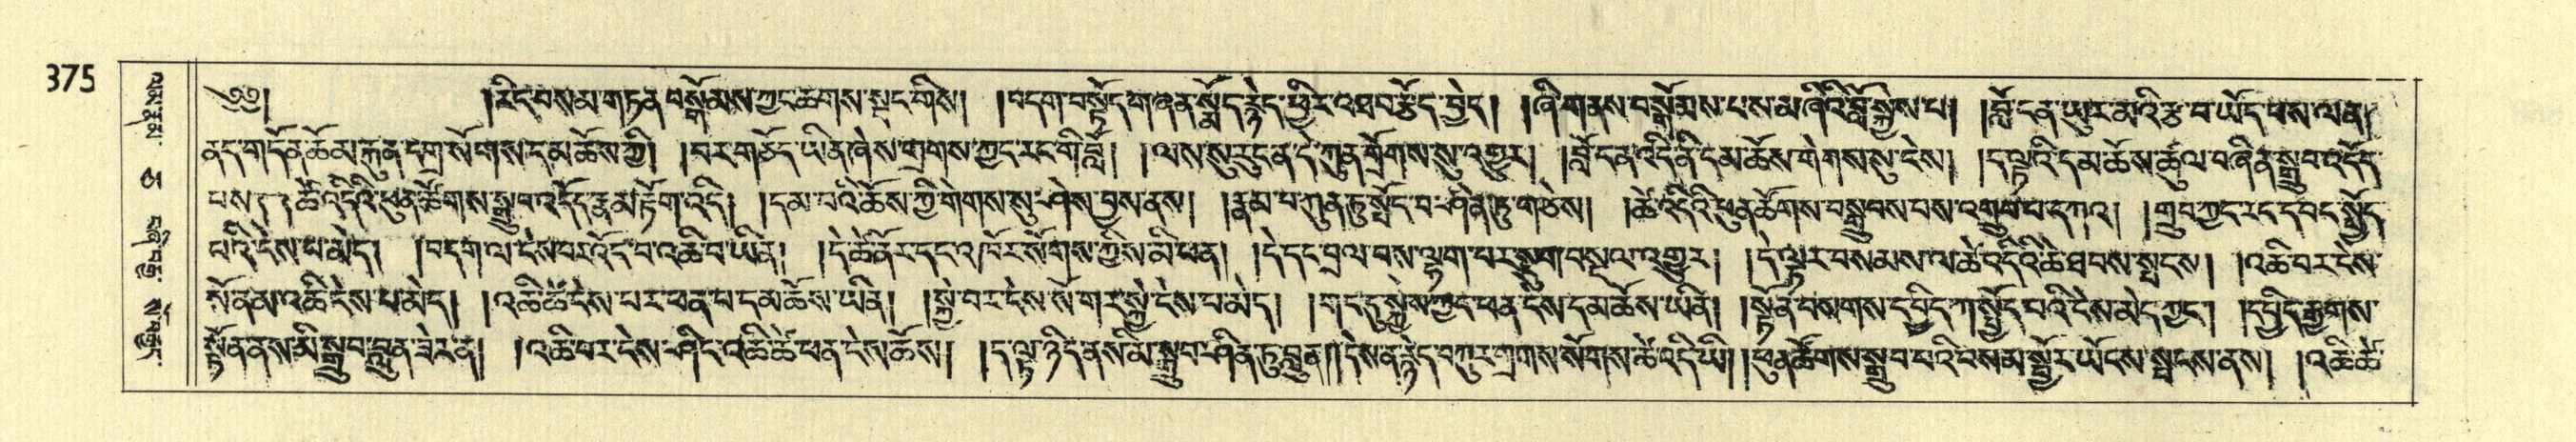༄༅། །རིང་བསམ་གཏན་བསྒོམས་ཀྱང་ཆགས་སྡང་གིས། །བདག་བསྟོད་གཞན་སྨོད་རྙེད་ཕྱིར་འཐབ་རྩོད་བྱེད། །ཞི་གནས་བསྒོམས་པས་མ་ཞིའི་བློ་སྐྱེས་པ། །བློ་ངན་ཡུར་མའི་རྩ་བ་ཡོད་པས་ལན།
ནད་གདོན་ཆོམ་རྐུན་དགྲ་སོགས་དམ་ཆོས་ཀྱི། །བར་གཅོད་ཡིན་ཞེས་གྲགས་ཀྱང་རང་གི་བློ། །ལས་སུ་རུང་ན་དེ་ཀུན་གྲོགས་སུ་འགྱུར། །བློ་ངན་འདི་ནི་དམ་ཆོས་གེགས་སུ་ངེས། །ད་ལྟའི་དམ་ཆོས་ཚུལ་བཞིན་སྒྲུབ་འདོད་
པས༑ ༑ཚེ་འདིའི་ཕུན་ཚོགས་སྒྲུབ་འདོད་རྣམ་རྟོག་འདི། །དམ་པའི་ཆོས་ཀྱི་གེགས་སུ་ཤེས་བྱས་ནས། །རྣམ་པ་ཀུན་ཏུ་སྤོང་བ་ཤིན་ཏུ་གཅེས། །ཚེ་འདིའི་ཕུན་ཚོགས་བསྒྲུབས་པས་འགྲུབ་པ་དཀའ། །གྲུབ་ཀྱང་རང་དབང་སྤྱོད་
པའི་ངེས་པ་མེད། །བདག་ལ་ངེས་བར་འོང་བ་འཆི་བ་ཡིན། །དེ་ཚེ་ནོར་དང་འཁོར་སོགས་ཀྱིས་མི་ཕན། །དེ་དང་བྲལ་བས་ལྷག་པར་སྡུག་བསྔལ་འགྱུར། །དེ་ལྟར་བསམས་ལ་ཚེ་འདིའི་ཆེ་ཐབས་སྤངས། །འཆི་བར་ངེས་
སོ་ནམ་འཆི་ངེས་པ་མེད། །འཆི་ཚེ་ངེས་པར་ཕན་པ་དམ་ཆོས་ཡིན། །སྐྱེ་བར་ངེས་སོ་གར་སྐྱེ་ངེས་པ་མེད། །གང་དུ་སྐྱེས་ཀྱང་ཕན་ངེས་དམ་ཆོས་ཡིན། །སྟོན་བསགས་དཔྱིད་ཀ་སྤྱོད་པའི་ངེས་མེད་ཀྱང་། །དཔྱིད་རྒྱགས་
སྟོན་ནས་མི་སྒྲུབ་བླུན་ཟེར་ན། །འཆི་བར་ངེས་ཤིང་འཆི་ཚེ་ཕན་ངེས་ཆོས། །ད་ལྟ་ཉིད་ནས་མི་སྒྲུབ་ཤིན་ཏུ་བླུན། །དེས་ན་རྙེད་བཀུར་གྲགས་སོགས་ཚེ་འདི་ཡི། །ཕུན་ཚོགས་སྒྲུབ་པའི་བསམ་སྦྱོར་ཡོངས་སྤངས་ནས། །འཆི་ཚེ་